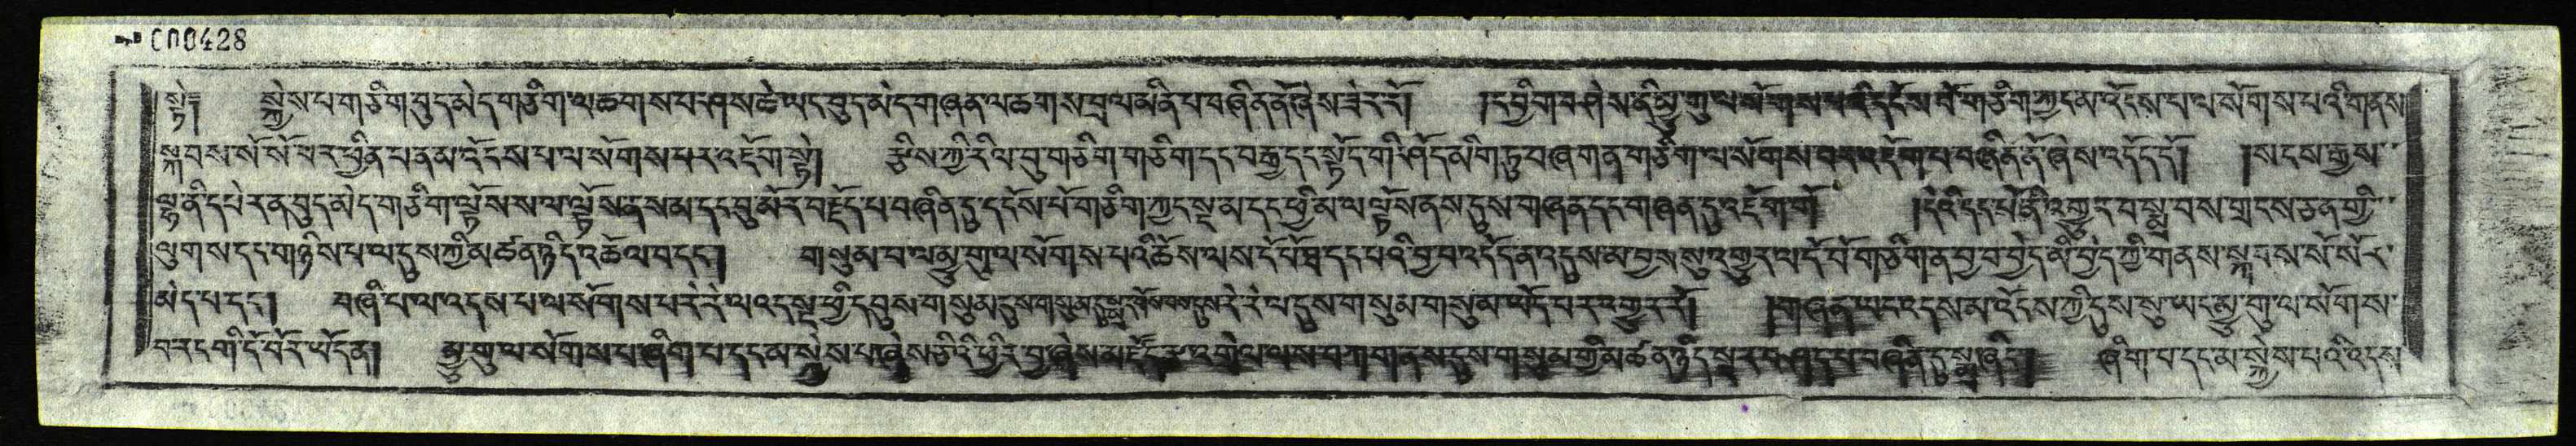སྟེ༑ སྐྱེས་པ་གཅིག་བུད་མེད་གཅིག་ལ་ཆགས་པ་ཤས་ཆེ་ཡང་བུད་མེད་གཞན་ལ་ཆགས་བྲལ་མིན་པ་བཞིན་ནོ་ཞེས་ཟེར་རོ། །དབྱིག་བཤེས་ནི་མྱུ་གུ་ལ་སོགས་པའི་དངོས་པོ་གཅིག་ཀྱང་མ་འོངས་པ་ལ་སོགས་པའི་གནས་
སྐབས་སོ་སོ་པར་ཕྱིན་པ་ན་མ་འོངས་པ་ལ་སོགས་པར་འཇོག་སྟེ། རྩིས་ཀྱི་རིལ་བུ་གཅིག་གཅིག་དང་བརྒྱ་དང་སྟོང་གི་ཤོད་མིག་ཏུ་བཞག་ན་གཅིག་ལ་སོགས་པར་འཇོག་པ་བཞིན་ནོ་ཞེས་འདོད་དོ། །སངས་རྒྱས་
ལྷ་ནི་དཔེར་ན་བུད་མེད་གཅིག་ལྟོས་ས་ལ་ལྟོས་ནས་མ་དང་བུ་མོར་བརྗོད་པ་བཞིན་དུ་དངོས་པོ་གཅིག་ཀྱང་སྔ་མ་དང་ཕྱི་མ་ལ་ལྟོས་ནས་དུས་གཞན་དང་གཞན་དུ་འཇོག་གོ །དེའི་དང་པོ་ནི་འགྱུར་བ་སྨྲ་བས་གྲངས་ཅན་གྱི་
ལུགས་དང་གཉིས་པ་ལ་དུས་ཀྱི་མཚན་ཉིད་འཆོལ་བ་དང་། གསུམ་པ་ལ་མྱུ་གུ་ལ་སོགས་པའི་ཆོས་ལས་ངོ་བོ་ཐ་དད་པའི་བྱ་བ་འདོད་ན་འདུས་མ་བྱས་སུ་འགྱུར་ལ་ངོ་བོ་གཅིག་ན་བྱ་བ་བྱེད་མི་བྱེད་ཀྱི་གནས་སྐབས་སོ་སོར་
མེད་པ་དང་། བཞི་པ་ལ་འདས་པ་ལ་སོགས་པ་རེ་རེ་ལའང་སྔ་ཕྱི་དབུས་གསུམ་དུས་གསུམ་དུ་སྨྲ་དགོས་པས་དུས་རེ་རེ་ལ་དུས་གསུམ་གསུམ་ཡོད་པར་འགྱུར་རོ། །གཞན་ཡང་འདས་མ་འོངས་ཀྱི་དུས་སུ་ཡང་མྱུ་གུ་ལ་སོགས་
པ་རང་གི་ངོ་བོར་ཡོད་ན། མྱུ་གུ་ལ་སོགས་པ་ཞིག་པ་དང་མ་སྐྱེས་པ་ཞེས་ཅིའི་ཕྱིར་བྱ་ཞེས་མཛོད་རྩ་འགྲེལ་ལས་བཀག་ནས་དུས་གསུམ་གྱི་མཚན་ཉིད་སླར་བཤད་པ་བཞིན་དུ་སྨྲ་ཞིང་། ཞིག་པ་དང་མ་སྐྱེས་པའི་འདས་